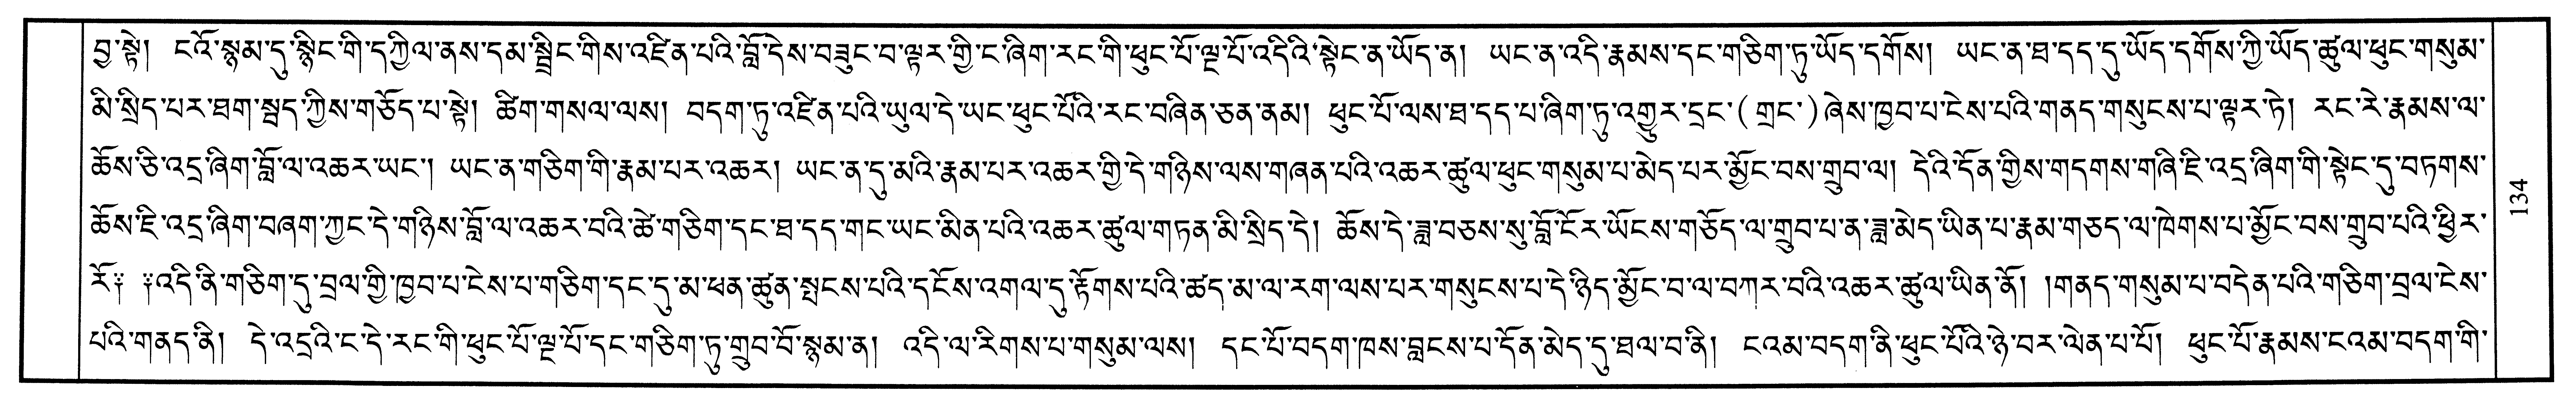བྱ་སྟེ། ངའོ་སྙམ་དུ་སྙིང་གི་དཀྱིལ་ནས་དམ་སྦྲིང་གིས་འཛིན་པའི་བློ་དེས་བཟུང་བ་ལྟར་གྱི་ང་ཞིག་རང་གི་ཕུང་པོ་ལྔ་པོ་འདིའི་སྟེང་ན་ཡོད་ན། ཡང་ན་འདི་རྣམས་དང་གཅིག་ཏུ་ཡོད་དགོས། ཡང་ན་ཐ་དད་དུ་ཡོད་དགོས་ཀྱི་ཡོད་ཚུལ་ཕུང་གསུམ་
མི་སྲིད་པར་ཐག་སྦད་ཀྱིས་གཅོད་པ་སྟེ། ཚིག་གསལ་ལས། བདག་ཏུ་འཛིན་པའི་ཡུལ་དེ་ཡང་ཕུང་པོའི་རང་བཞིན་ཅན་ནམ། ཕུང་པོ་ལས་ཐ་དད་པ་ཞིག་ཏུ་འགྱུར་དྲང་གྲང་ཞེས་ཁྱབ་པ་ངེས་པའི་གནད་གསུངས་པ་ལྟར་ཏེ། རང་རེ་རྣམས་ལ་
ཆོས་ཅི་འདྲ་ཞིག་བློ་ལ་འཆར་ཡང་། ཡང་ན་གཅིག་གི་རྣམ་པར་འཆར། ཡང་ན་དུ་མའི་རྣམ་པར་འཆར་གྱི་དེ་གཉིས་ལས་གཞན་པའི་འཆར་ཚུལ་ཕུང་གསུམ་པ་མེད་པར་མྱོང་བས་གྲུབ་ལ། དེའི་དོན་གྱིས་གདགས་གཞི་ཇི་འདྲ་ཞིག་གི་སྟེང་དུ་བཏགས་
ཆོས་ཇི་འདྲ་ཞིག་བཞག་ཀྱང་དེ་གཉིས་བློ་ལ་འཆར་བའི་ཚེ་གཅིག་དང་ཐ་དད་གང་ཡང་མིན་པའི་འཆར་ཚུལ་གཏན་མི་སྲིད་དེ། ཆོས་དེ་ཟླ་བཅས་སུ་བློ་ངོར་ཡོངས་གཅོད་ལ་གྲུབ་པ་ན་ཟླ་མེད་ཡིན་པ་རྣམ་གཅད་ལ་ཁེགས་པ་མྱོང་བས་གྲུབ་པའི་ཕྱིར་
རོ༑ ༑འདི་ནི་གཅིག་དུ་བྲལ་གྱི་ཁྱབ་པ་ངེས་པ་གཅིག་དང་དུ་མ་ཕན་ཚུན་སྤངས་པའི་དངོས་འགལ་དུ་རྟོགས་པའི་ཚད་མ་ལ་རག་ལས་པར་གསུངས་པ་དེ་ཉིད་མྱོང་བ་ལ་བཀར་བའི་འཆར་ཚུལ་ཡིན་ནོ། །གནད་གསུམ་པ་བདེན་པའི་གཅིག་བྲལ་ངེས་
པའི་གནད་ནི། དེ་འདྲའི་ང་དེ་རང་གི་ཕུང་པོ་ལྔ་པོ་དང་གཅིག་ཏུ་གྲུབ་བོ་སྙམ་ན། འདི་ལ་རིགས་པ་གསུམ་ལས། དང་པོ་བདག་ཁས་བླངས་པ་དོན་མེད་དུ་ཐལ་བ་ནི། ངའམ་བདག་ནི་ཕུང་པོའི་ཉེ་བར་ལེན་པ་པོ། ཕུང་པོ་རྣམས་ངའམ་བདག་གི་